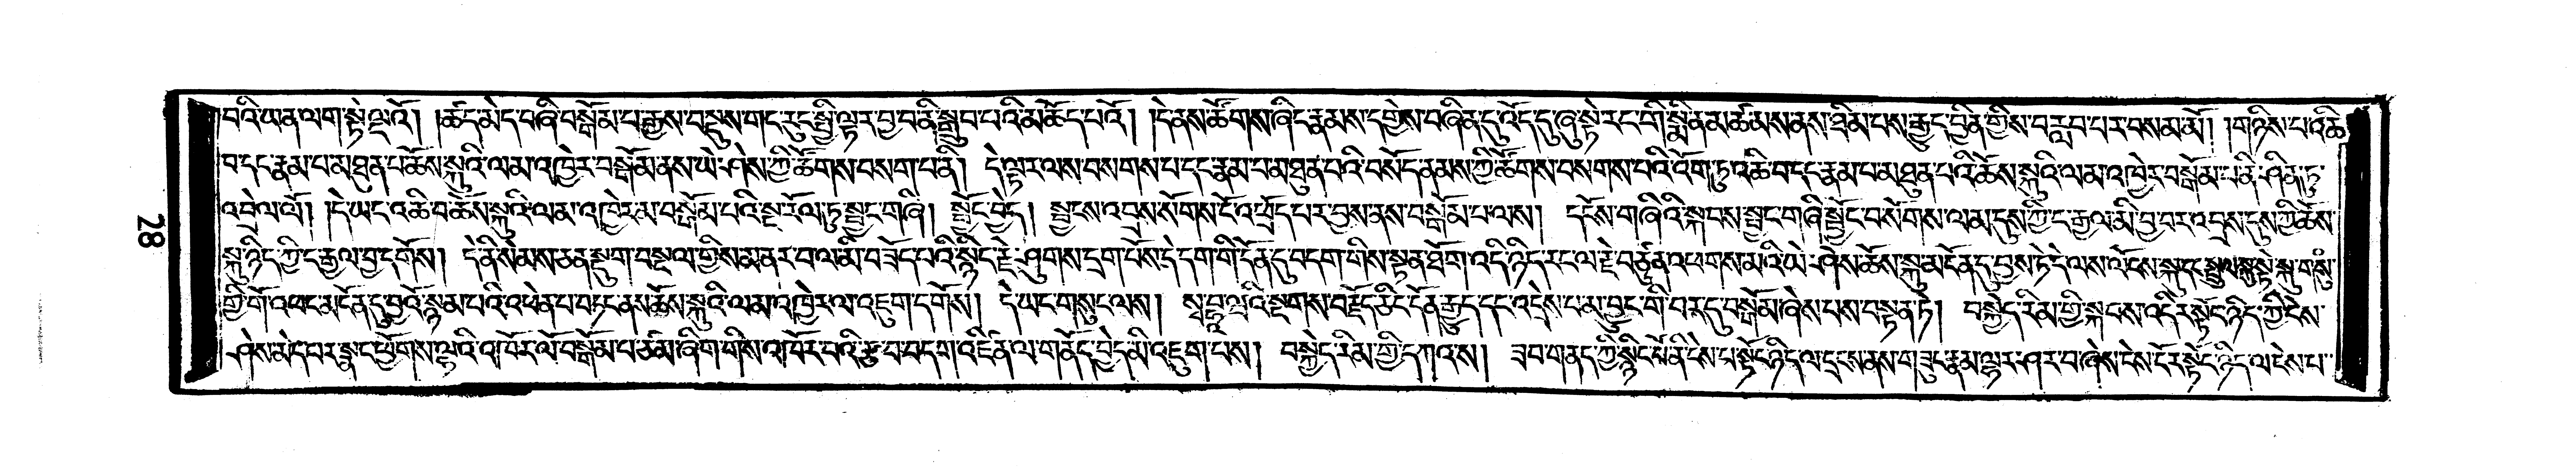བའི་ཡན་ལག་སྟེ་ལྔའོ། །ཚད་མེད་བཞི་བསྒོམ་པ་རྒྱས་བསྡུས་གང་རུང་སྤྱི་ལྟར་བྱ་བ་ནི་སྒྲུབ་པའི་མཆོད་པའོ། །དེ་ནས་ཚོགས་ཞིང་རྣམས་དགྱེས་བཞིན་དུ་འོད་དུ་ཞུས་ཏེ་རང་གི་སྨིན་མཚམས་ནས་ཐིམ་པས་རྒྱུད་བྱིན་གྱིས་བརླབ་པར་བསམ་མོ། །གཉིས་པ་འཆི་
བ་དང་རྣམ་པ་མཐུན་པ་ཆོས་སྐུའི་ལམ་འཁྱེར་བསྒོམ་ནས་ཡེ་ཤེས་ཀྱི་ཚོགས་བསག་པ་ནི། དེ་ལྟར་ལས་བསགས་པ་དང་རྣམ་པ་མཐུན་པའི་བསོད་ནམས་ཀྱི་ཚོགས་བསགས་པའི་འོག་ཏུ་འཆི་བ་དང་རྣམ་པ་མཐུན་པའི་ཆོས་སྐུའི་ལམ་འཁྱེར་བསྒོམ་པ་ནི་ཤིན་ཏུ་
འབྲེལ་ལོ། །དེ་ཡང་འཆི་བ་ཆོས་སྐུའི་ལམ་འཁྱེར་མ་བསྒོམ་པའི་སྔ་རོལ་ཏུ་སྦྱང་གཞི། སྦྱོང་བྱེད། སྦྱངས་འབྲས་སོགས་ངོ་འཕྲོད་པར་བྱས་ནས་བསྒོམ་པ་ལས། དངོས་གཞིའི་སྐབས་སྦྱང་གཞིས་བྱོང་བ་སོགས་ལམ་དུས་ཀྱི་ང་རྒྱལ་མི་བྱ་བར་འབྲས་དུས་ཀྱི་ཆོས་
སྐུ་ཉིད་ཀྱི་ང་རྒྱལ་བྱ་དགོས། དེ་ནི་སེམས་ཅན་སྡུག་བསྔལ་གྱིས་མནར་བ་ལ་མི་བཟོད་པའི་སྙིང་རྗེ་ཤུགས་དྲག་པོས་དེ་དག་གི་དོན་དུ་བདག་གིས་སྟན་ཐོག་འདི་ཉིད་རང་ལ་རྗེ་བཙུན་འཕགས་མའི་ཡེ་ཤེས་ཆོས་སྐུ་མངོན་དུ་བྱས་ཏེ་དེ་ལས་ལོངས་སྐུ་དང་སྤྲུལ་སྐུ་སྟེ་སྐུ་གསུཾ་
གྱི་གོ་འཕང་མངོན་དུ་བྱའོ་སྙམ་པའི་འཕེན་པ་བཏང་ནས་ཆོས་སྐུའི་ལམ་འཁྱེར་ལ་འཇུག་དགོས། དེ་ཡང་གསུང་ལས། སྭབྷཱ་ཝའི་སྔགས་བརྗོད་ཅིང་དོན་རྒྱུད་དང་འདྲེས་པ་མ་བྱུང་གི་བར་དུ་བསྒོམ་ཞེས་པས་བསྟན་ཏེ། བསྐྱེད་རིམ་གྱི་སྐབས་འདིར་སྟོང་ཉིད་ཀྱི་ངེས་
ཤེས་མེད་པར་སྣང་ཕྱོགས་ལྷའི་འཁོར་ལོ་བསྒོམ་པ་ཙམ་ཞིག་གིས་འཁོར་བའི་རྩ་བ་བདག་འཛིན་ལ་གནོད་བྱེད་མི་འཇུག་པས། བསྐྱེད་རིམ་གྱི་དགའ་ས། ཟབ་གནད་ཀྱི་སྙིང་པོ་ནི་ངེས་པ་སྟོང་ཉིད་ལ་དྲངས་ནས་གཟུང་རྣམ་ལྷར་ཤར་བ་ཞེས་ངེས་ངོར་སྟོང་ཉིད་ལ་ངེས་པ་